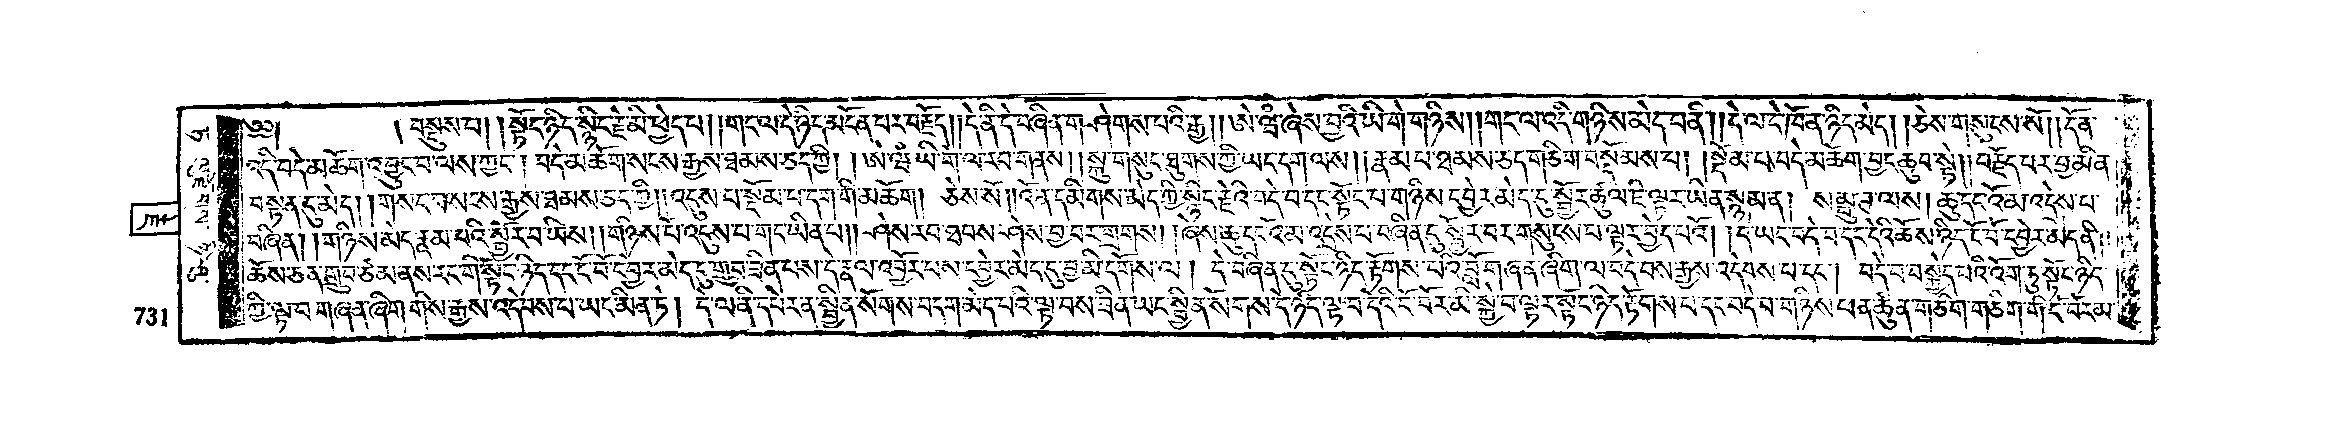༄༅། །བསྡུས་པ། །སྟོང་ཉིད་སྙིང་རྗེ་མི་ཕྱེད་པ། །གང་ལ་དེ་ཉིད་མངོན་པར་བརྗོད། །དེ་ནི་དེ་བཞིན་གཤེགས་པའི་རྒྱ། །ཨེ་ཝཾ་ཞེས་བྱའི་ཡི་གེ་གཉིས། །གང་ལ་འདི་གཉིས་མེད་པ་ནི། །དེ་ལ་དེ་ཁོ་ན་ཉིད་མེད། །ཅེས་གསུངས་སོ། །དོན་
འདི་བདེ་མཆོག་འབྱུང་བ་ལས་ཀྱང་། བདེ་མཆོག་སངས་རྒྱས་ཐམས་ཅད་ཀྱི། །ཨེ་ཝཾ་ཡི་གེ་ལ་རབ་གནས། །སྐུ་གསུང་ཐུགས་ཀྱི་ཡང་དག་ལས། །རྣམ་པ་ཐམས་ཅད་གཅིག་བསྡོམས་པ། །སྡོམ་པ་བདེ་མཆོག་བྱང་ཆུབ་སྟེ། །བརྗོད་པར་བྱ་མིན་
བསྟན་དུ་མེད། །གསང་བ་སངས་རྒྱས་ཐམས་ཅད་ཀྱི། །འདུས་པ་སྡོམ་པ་དག་གི་མཆོག །ཅེས་སོ། །འོ་ན་དམིགས་མེད་ཀྱི་སྙིང་རྗེའི་བདེ་བ་དང་སྟོང་པ་གཉིས་དབྱེར་མེད་དུ་སྦྱོར་ཚུལ་ཇི་ལྟར་ཡིན་སྙམ་ན། སམྦུ་ཊ་ལས། ཆུ་དང་འོ་མ་འདྲེས་པ་
བཞིན། །གཉིས་མེད་རྣམ་པའི་སྦྱོར་བ་ཡིས། །གཉིས་པོ་འདུས་པ་གང་ཡིན་པ། །ཤེས་རབ་ཐབས་ཤེས་བྱ་བར་གྲགས། །ཞེས་ཆུ་དང་འོ་མ་འདྲེས་པ་བཞིན་དུ་སྦྱོར་བར་གསུངས་པ་ལྟར་བྱེད་པའོ། །དེ་ཡང་བདེ་བ་དང་དེའི་ཆོས་ཉིད་ངོ་བོ་དབྱེར་མེད་ནི། །
ཆོས་ཅན་གྲུབ་ཙམ་ནས་རང་གི་སྟོང་ཉིད་དང་ངོ་བོ་དབྱེར་མེད་དུ་གྲུབ་ཟིན་པས་དེ་རྣལ་འབྱོར་པས་དབྱེར་མེད་དུ་བྱ་མི་དགོས་ལ། དེ་བཞིན་དུ་སྟོང་ཉིད་རྟོགས་པའི་བློ་གཞན་ཞིག་ལ་བདེ་བས་རྒྱས་འདེབས་པ་དང་། བདེ་བ་བསྐྱེད་པའི་འོག་ཏུ་སྟོང་ཉིད་
ཀྱི་ལྟ་བ་གཞན་ཞིག་གིས་རྒྱས་འདེབས་པ་ཡང་མིན་ཏེ། དེ་ལ་ནི་དཔེར་ན་སྦྱིན་སོགས་བདག་མེད་པའི་ལྟ་བས་ཟིན་ཡང་སྦྱིན་སོགས་དེ་ཉིད་ལྟ་བ་དེའི་ངོ་བོར་མི་སྐྱེ་བ་ལྟར་སྟོང་ཉིད་རྟོགས་པ་དང་བདེ་བ་གཉིས་ཕན་ཚུན་གཅིག་གཅིག་གི་ངོ་བོར་མ་